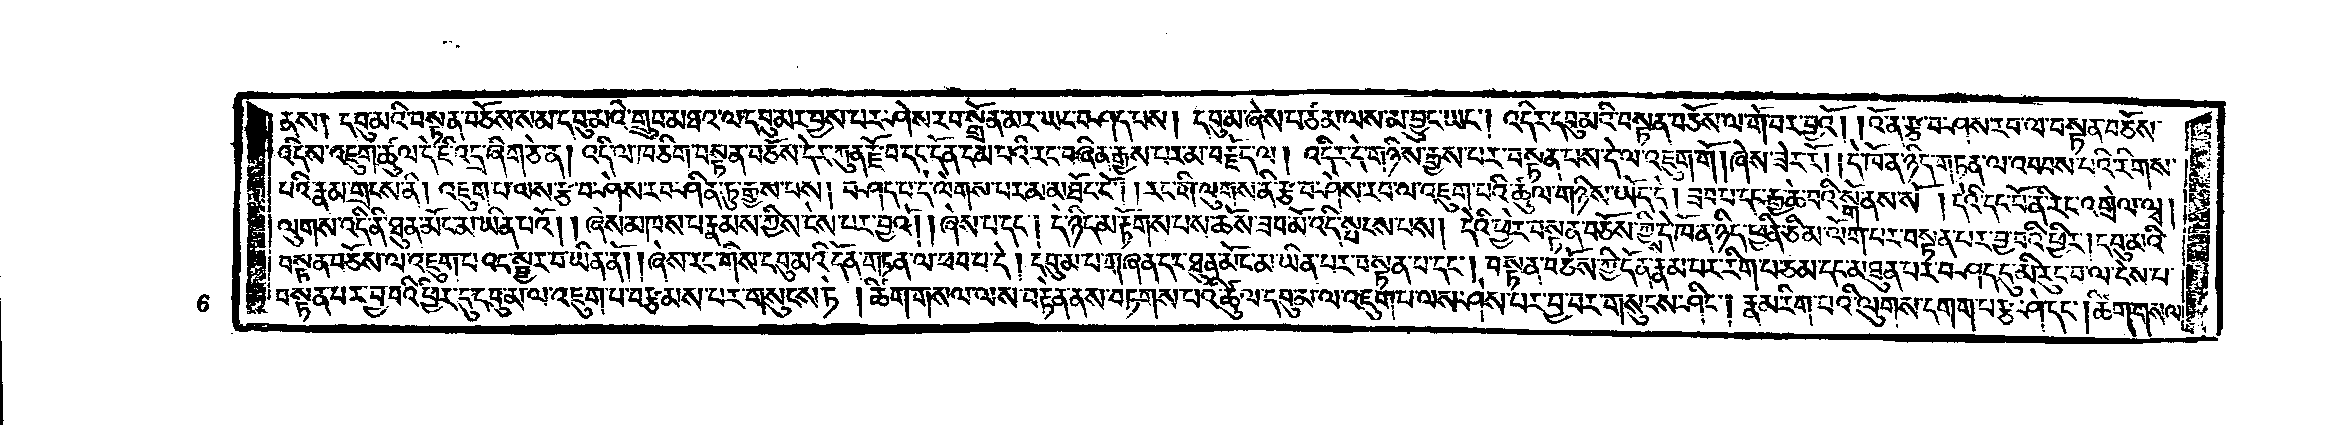ནས། དབུ་མའི་བསྟན་བཅོས་སམ་དབུ་མའི་གྲུབ་མཐའ་ལ་དབུ་མར་བྱས་པར་ཤེས་རབ་སྒྲོན་མར་ཡང་བཤད་པས། དབུ་མ་ཞེས་པ་ཙམ་ལས་མ་བྱུང་ཡང་། འདིར་དབུ་མའི་བསྟན་བཅོས་ལ་གོ་བར་བྱའོ། །འོ་ན་རྩ་བ་ཤེས་རབ་ལ་བསྟན་བཅོས་
འདིས་འཇུག་ཚུལ་དེ་ཇི་འདྲ་ཞིག་ཅེ་ན། འདི་ལ་ཁ་ཅིག་བསྟན་བཅོས་དེར་ཀུན་རྫོབ་དང་དོན་དམ་པའི་རང་བཞིན་རྒྱས་པར་མ་བརྗོད་ལ། འདིར་དེ་གཉིས་རྒྱས་པར་བསྟན་པས་དེ་ལ་འཇུག་གོ །ཞེས་ཟེར་རོ། །དེ་ཁོ་ན་ཉིད་གཏན་ལ་འབེབས་པའི་རིགས་
པའི་རྣམ་གྲངས་ནི། འཇུག་པ་ལས་རྩ་བ་ཤེས་རབ་ཤིན་ཏུ་རྒྱས་པས། བཤད་པ་དེ་ལེགས་པར་མ་མཐོང་ངོ། །རང་གི་ལུགས་ནི་རྩ་བ་ཤེས་རབ་ལ་འཇུག་པའི་ཚུལ་གཉིས་ཡོད་དེ། ཟབ་པ་དང་རྒྱ་ཆེ་བའི་སྒོ་ནས་སོ། །དེའི་དང་པོ་ནི་རང་འགྲེལ་ལས།
ལུགས་འདི་ནི་ཐུན་མོང་མ་ཡིན་པའོ། །ཞེས་མཁས་པ་རྣམས་ཀྱིས་ངེས་པར་བྱའོ། །ཞེས་པ་དང་། དེ་ཉིད་མ་རྟོགས་པས་ཆོས་ཟབ་མོ་འདི་སྤངས་པས། དེའི་ཕྱིར་བསྟན་བཅོས་ཀྱིས་དེ་ཁོ་ན་ཉིད་ཕྱིན་ཅི་མ་ལོག་པར་བསྟན་པར་བྱ་བའི་ཕྱིར། དབུ་མའི་
བསྟན་བཅོས་ལ་འཇུག་པ་སྦྱར་བ་ཡིན་ནོ། །ཞེས་རང་གིས་དབུ་མའི་དོན་གཏན་ལ་ཕབ་པ་དེ། དབུ་མ་པ་གཞན་དང་ཐུན་མོང་མ་ཡིན་པར་བསྟན་པ་དང་། བསྟན་བཅོས་ཀྱི་དོན་རྣམ་པར་རིག་པ་ཙམ་དང་མཐུན་པར་བཤད་དུ་མི་རུང་བ་ལ་ངེས་པ་
བསྟན་པར་བྱ་བའི་ཕྱིར་དུ་དབུ་མ་ལ་འཇུག་པ་བརྩམས་པར་གསུངས་ཏེ། ཚིག་གསལ་ལས་བརྟེན་ནས་བཏགས་པའི་ཚུལ་དབུ་མ་ལ་འཇུག་པ་ལས་ཤེས་པར་བྱ་བར་གསུངས་ཤིང་། རྣམ་རིག་པའི་ལུགས་དགག་པ་རྩ་ཤེ་དང་། ཚིག་གསལ་